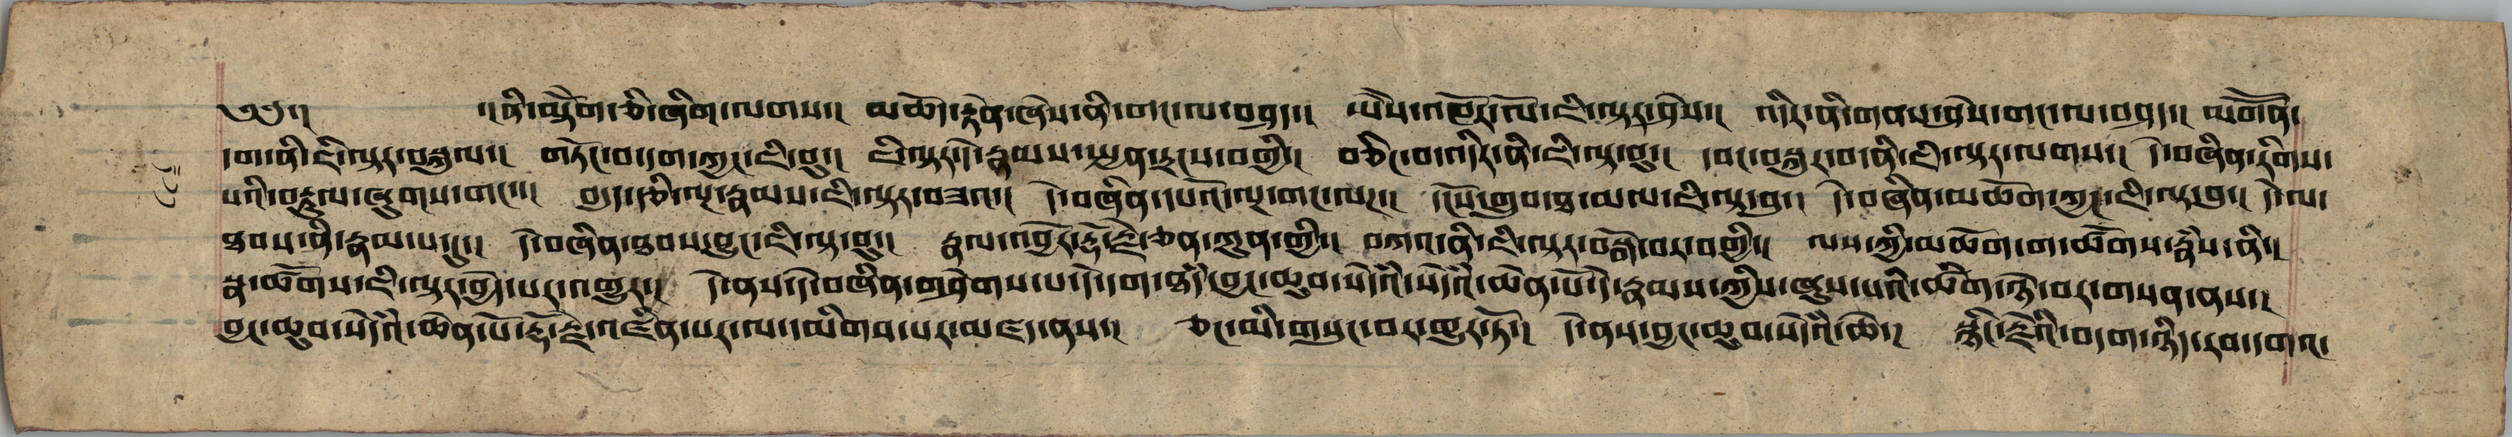༄༅་། ་།ནི་མྟེགོ་ཅི་ཞིག་ལགས་། མཆོད་རྟེན་ཞེས་ནི་གང་ལ་བཤད་། ཡཻས་འཁོར་ལོ་ཇི་ལྟར་ཤེས་། འདིར་ནི་གནས་ཤེས་གང་ལ་བཤད་། མགཽན་
དག་ནི་ཇི་ལྟར་བསྐུལ་། གཏོང་བ་དག་ཀྱང་ཇི་བུ་། ཇི་ལྟར་དེ་རྣམས་སྤྱན་དྲངས་བགྱི་། བཅིང་བ་འདིར་ནི་ཇི་ལྟ་བུ་། དབང་བསྐུར་བ་ནི་ཇི་ལྟར་ལགས་། དེ་བཞིན་རིགས་
པའི་བརྟུལ་ཞུགས་གང་་། བདུད་རྩི་ལྔ་རྣམས་ཇི་ལྟར་བཟའ་། དེ་བཞིན་དཔའོ་ལྔ་གང་ལཌ་། དངོས་གྲུབ་ཐ་མལ་ཇི་ལྟ་བུ་། དེ་བཞིན་མཆོག་ཀྱང་ཇི་ལྟ་བུ་། དེ་ལ་
ཐབས་ནི་རྣམ་པ་དུ་། དེ་བཞིན་ཐབས་བྱུང་ཇི་ལྟ་བུ་། རྣལ་འབྱོར་རྡོ་རྗེ་ཅན་ཀུན་གྱི་། བཀའ་ནི་ཇི་ལྟར་བསྒོ་བར་བགྱི་། ལས་ཀྱི་མཆོག་ག་ཚོགས་རྣཾས་ནི་།
སྣ་ཚོགས་ཇི་ལྟར་བྱེད་པར་འགྱུར་། དེ་ནས་དེ་བཞིན་གཤེགས་པ་དེ་དག་ཐཾད་བྱང་ཆུབ་སེདཾའ་སེདཾའ་ཆེན་པོ་དེ་རྣམས་ཀྱིས་ཞུས་པའི་ཚིག་ཉེ་བར་གསན་ནས་
བྱང་ཆུབ་སེདཾའ་ཆེན་པོ་རྡོ་རྗེ་འཛིན་པར་ལ་དམིགས་པར་མཛད་ནས་། ཅང་མི་གསུང་བར་གྱུར་ཏོ་། དེ་ནས་བྱང་ཆུབ་སེདཾའ་ཆེ་། སྙིང་རྗེའི་བདག་ཉིད་རབ་དགའ་